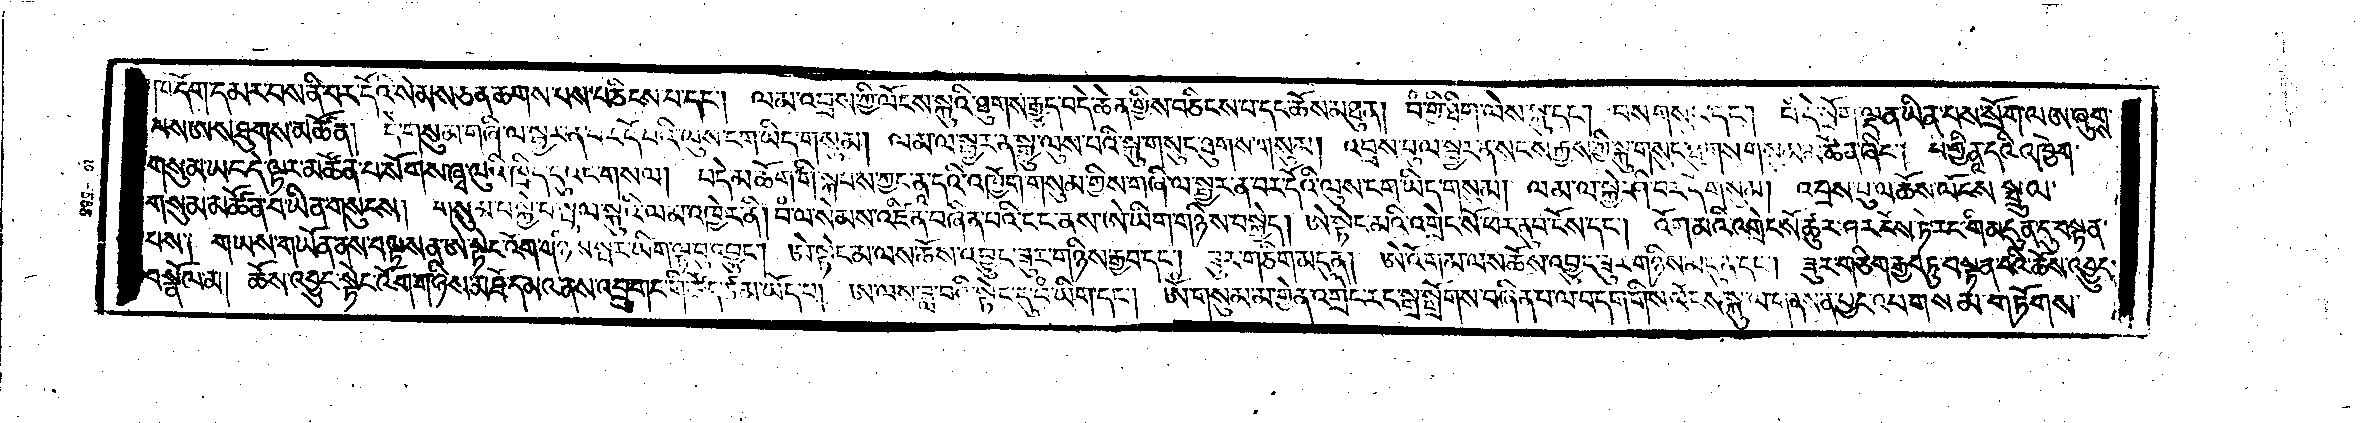ཁ་དོག་དམར་བས་ནི་བར་དོའི་སེམས་ཅན་ཆགས་པས་བཅིངས་པ་དང་། ལམ་འབྲས་ཀྱི་ལོངས་སྐུའི་ཐུགས་རྒྱུད་བདེ་ཆེན་གྱིས་བཅིངས་པ་དང་ཆོས་མཐུན། བཾ་གྱི་ཐིག་ལེས་སྐུ་དང་། བས་གསུང་དང་། བཾ་དེ་སྲོག་ལྡན་ཡིན་པས་སྲོག་ལ་ཨ་ཞུགས་
བས་ཨས་ཐུགས་མཚོན། དེ་གསུམ་གཞི་ལ་སྦྱར་ན་བར་དོ་བའི་ལུས་ངག་ཡིད་གསུམ། ལམ་ལ་སྦྱར་ན་སྒྱུ་ལུས་པའི་སྐུ་གསུང་ཐུགས་གསུམ། འབྲས་བུ་ལ་སྦྱར་ན་སངས་རྒྱས་ཀྱི་སྐུ་གསུང་ཐུགས་གསུམ་མཚོན་ཞིང་། བཾ་གྱི་ནཱ་དའི་འཁྱོག་
གསུམ་ཡང་དེ་ལྟར་མཚོན་པ་སོགས་ཞྭ་ལུའི་ཁྲིད་དུའང་གསལ། བདེ་མཆོག་གི་སྐབས་ཀྱང་ནཱ་དའི་འཁྱོག་གསུམ་གྱིས་གཞི་ལ་སྦྱར་ན་བར་དོའི་ལུས་ངག་ཡིད་གསུམ། ལམ་ལ་སྐྱེ་ཤི་བར་དོ་གསུམ། འབྲས་བུ་ལ་ཆོས་ལོངས་སྤྲུལ་
གསུམ་མཚོན་པ་ཡིན་གསུངས། གསུམ་བསྐྱེ་བ་སྤྲུལ་སྐུའི་ལམ་འཁྱེར་ནི། བཾ་ལ་སེམས་འཛིན་བཞིན་པའི་ངང་ནས་ཨེ་ཡིག་གཉིས་བསྐྱེད། ཨེ་སྟེང་མའི་འགྲེང་སོ་ཕར་ནུབ་ངོས་དང་། འོག་མའི་འགྲེང་སོ་ཚུར་ཤར་ངོས་ཏེ་རང་གི་མདུན་དུ་བསྟན་
པས༑ གཡས་གཡོན་ནས་བལྟས་ན་ཨེ་སྟེང་འོག་གཉིས་སྤར་ཡིག་ལྟ་བུ་འབྱུང་། ཨེ་སྟེང་མ་ལས་ཆོས་འབྱུང་ཟུར་གཉིས་རྒྱབ་དང་། ཟུར་གཅིག་མདུན། ཨེ་འོག་མ་ལས་ཆོས་འབྱུང་ཟུར་གཉིས་མདུན་དང་། ཟུར་གཅིག་རྒྱབ་ཏུ་བསྟན་པའི་ཆོས་འབྱུང་
བསྣོལ་མ། ཆོས་འབྱུང་སྟེང་འོག་གཉིས་མཐོ་དམའ་ནས་འབྲུ་གང་གི་ཚེད་ཙམ་ཡོད་པ། ཨ་ལས་ཟླ་བའི་སྟེང་དུ་བཾ་ཡིག་དང་། ཨོཾ་གསུམ་མ་གྱེན་འགྲེང་རང་སྒྲ་སྒྲོགས་བཞིན་པ་ལ་བདག་གིས་ལོངས་སྐུ་ལ་གནས་ན་བྱང་འཕགས་མ་གཏོགས་